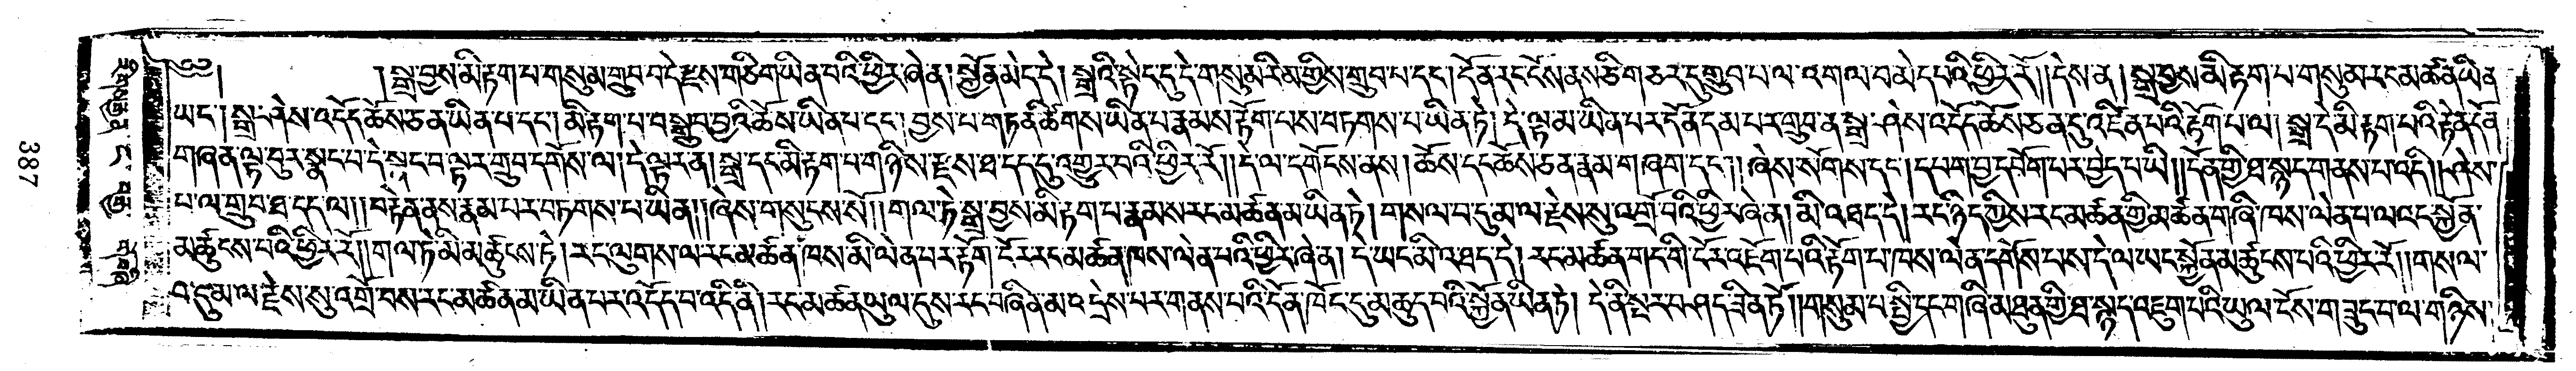༄༅། །སྒྲ་བྱས་མི་རྟག་པ་གསུམ་གྲུབ་བདེ་རྫས་གཅིག་ཡིན་པའི་ཕྱིར་ཞེ་ན། སྐྱོན་མེད་དེ། སྒྲའི་སྟེང་དུ་དེ་གསུམ་རིམ་གྱིས་གྲུབ་པ་དང་། དོན་རང་ངོས་ནས་ཅིག་ཅར་དུ་གྲུབ་པ་ལ་འགལ་བ་མེད་པའི་ཕྱིར་རོ། །དེས་ན། སྒྲ་བྱས་མི་རྟག་པ་གསུམ་རང་མཚན་ཡིན་
ཡང་། སྒྲ་ཤེས་འདོད་ཆོས་ཅན་ཡིན་པ་དང་། མི་རྟག་པ་བསྒྲུབ་བྱའི་ཆོས་ཡིན་པ་དང་། བྱས་པ་གཏན་ཚིགས་ཡིན་པ་རྣམས་རྟོག་པས་བཏགས་པ་ཡིན་ཏེ། དེ་ལྟ་མ་ཡིན་པར་དོན་དམ་པར་གྲུབ་ན་སྒྲ་ཤེས་འདོད་ཆོས་ཅན་དུ་འཛིན་པའི་རྟོག་པ་ལ། སྒྲ་དེ་མི་རྟག་པའི་རྟེན་དོན་
གཞན་ལྟ་བུར་སྣང་བ་དེ་སྣང་བ་ལྟར་གྲུབ་དགོས་ལ། དེ་ལྟར་ན། སྒྲ་དང་མི་རྟག་པ་གཉིས་རྫས་ཐ་དད་དུ་འགྱུར་བའི་ཕྱིར་རོ། །དེ་ལ་དགོངས་ནས། ཆོས་དང་ཆོས་ཅན་རྣམ་གཞག་དང་། །ཞེས་སོགས་དང་། དཔག་བྱ་དཔོག་པར་བྱེད་པ་ཡི། །དོན་གྱི་ཐ་སྙད་གནས་པ་འདི། །ཤེས་
པ་ལ་གྲུབ་ཐ་དད་ལ། །བརྟེན་ནས་རྣམ་པར་བཏགས་པ་ཡིན། །ཞེས་གསུངས་སོ། །གལ་ཏེ་སྒྲ་བྱས་མི་རྟག་པ་རྣམས་རང་མཚན་མ་ཡིན་ཏེ། གསལ་བ་དུ་མ་ལ་རྗེས་སུ་འགྲོ་བའི་ཕྱིར་ཞེ་ན། མི་འཐད་དེ། རང་ཉིད་ཀྱིས་རང་མཚན་གྱི་མཚན་གཞི་ཁས་ལེན་པ་ལའང་སྐྱོན་
མཚུངས་པའི་ཕྱིར་རོ། །གལ་ཏེ་མི་མཚུངས་ཏེ། རང་ལུགས་ལ་རང་མཚན་ཁས་མི་ལེན་པར་རྟོག་ངོར་རང་མཚན་ཁས་ལེན་པའི་ཕྱིར་ཞེ་ན། དེ་ཡང་མི་འཐད་དེ། རང་མཚན་གང་གི་ངོར་འཇོག་པའི་རྟོག་པ་ཁས་ལེན་དགོས་པས་དེ་ལ་ཡང་སྐྱོན་མཚུངས་པའི་ཕྱིར་རོ། །གསལ་
བ་དུ་མ་ལ་རྗེས་སུ་འགྲོ་བས་རང་མཚན་མ་ཡིན་པར་འདོད་པ་འདི་ནི། རང་མཚན་ཡུལ་དུས་རང་བཞིན་མ་འདྲེས་པར་གནས་པའི་དོན་ཁོང་དུ་མ་ཆུད་པའི་སྐྱོན་ཡིན་ཏེ། དེ་ནི་སྔར་བཤད་ཟིན་ཏོ། །གསུམ་པ་སྤྱི་དང་གཞི་མཐུན་གྱི་ཐ་སྙད་འཇུག་པའི་ཡུལ་ངོས་གཟུང་བ་ལ་གཉིས།